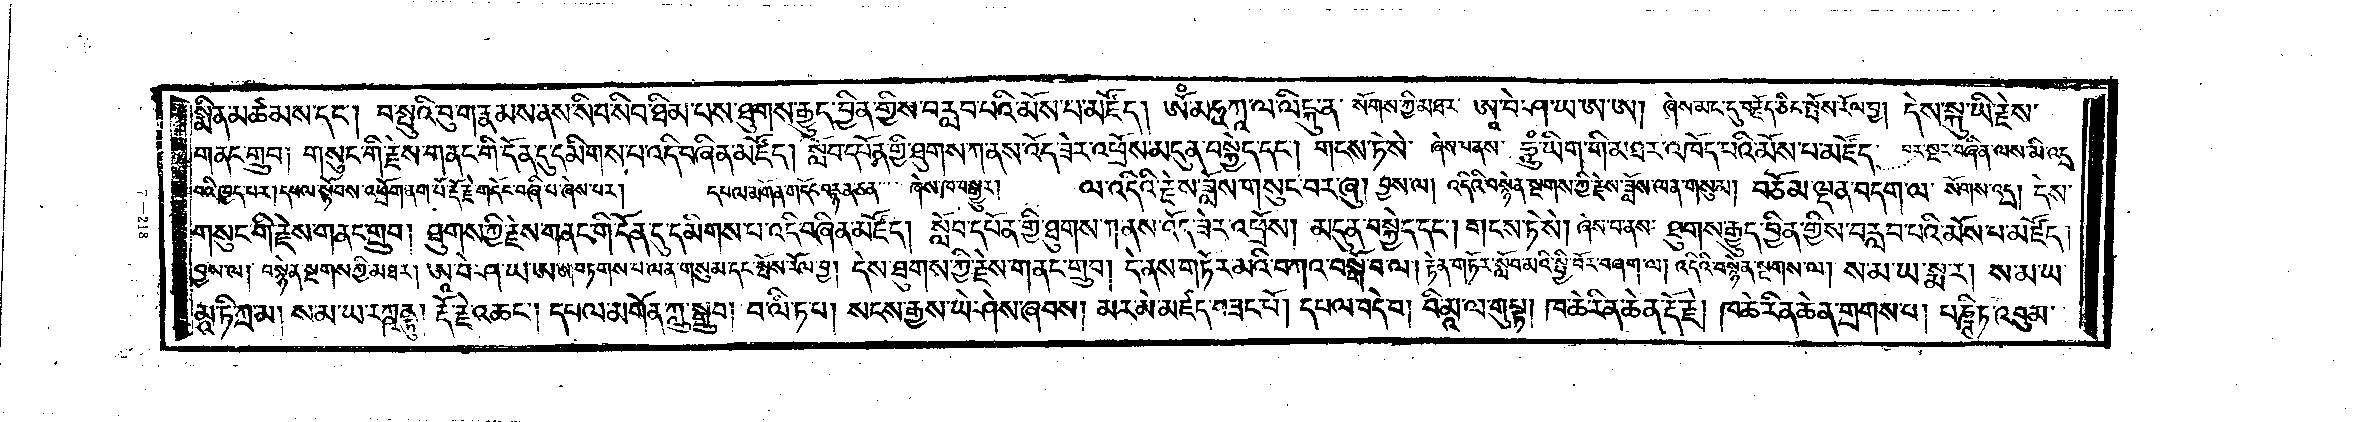སྨིན་མཚམས་དང་། བ་སྤུའི་བུ་ག་རྣམས་ནས་སིབ་སིབ་ཐིམ་པས་ཐུགས་རྒྱུད་བྱིན་གྱིས་བརླབ་པའི་མོས་པ་མཛོད། ཨོཾ་མཧཱ་ཀཱ་ལ་ལིངྐུ་ན་སོགས་ཀྱི་མཐར་ཨཱ་བེ་ཤ་ཡ་ཨ་ཨ། ཞེས་མང་དུ་བརྗོད་ཅིང་སྤོས་རོལ་བྱ།  དེས་སྐུ་ཡི་རྗེས་
གནང་གྲུབ། གསུང་གི་རྗེས་གནང་གི་དོན་དུ་དམིགས་པ་འདི་བཞིན་མཛོད། སློབ་དཔོན་གྱི་ཐུགས་ཀ་ནས་འོད་ཟེར་འཕྲོས་མདུན་བསྐྱེད་དང་། གངས་ཏེ་སེ་ཞེས་པ་ནས་ཧཱུཾ་ཡིག་གི་མཐར་འཁོད་པའི་མོས་པ་མཛོད་པར་སྔར་བཞིན་ལས་མི་འདྲ་
བའི་ཁྱད་པར། དཔལ་སྟོབས་འཕྲོག་ནག་པོ་རྡོ་རྗེ་གདོང་བཞི་པ་ཞེས་པར། དཔལ་མགོན་གདོང་བརྙན་ཅན་ཞེས་ཁ་བསྒྱུར། ལ་འདིའི་རྗེས་ཟློས་གསུང་བར་ཞུ། བྱས་ལ། འདིའི་བསྙེན་སྔགས་ཀྱི་རྗེས་ཟློས་ལན་གསུམ།  བཅོམ་ལྡན་བདག་ལ་སོགས་འདྲ།  དེས་
གསུང་གི་རྗེས་གནང་གྲུབ། ཐུགས་ཀྱི་རྗེས་གནང་གི་དོན་དུ་དམིགས་པ་འདི་བཞིན་མཛོད། སློབ་དཔོན་གྱི་ཐུགས་ཀ་ནས་འོད་ཟེར་འཕྲོས། མདུན་བསྐྱེད་དང་། གངས་ཏེ་སེ། ཞེས་པ་ནས་ཐུགས་རྒྱུད་བྱིན་གྱིས་བརླབ་པའི་མོས་པ་མཛོད།
བྱས་ལ། བསྙེན་སྔགས་ཀྱི་མཐར།  ཨཱ་པེ་ཤ་ཡ་ཨ་ཨ་བཏགས་པ་ལན་གསུམ་དང་སྤོས་རོལ་བྱ།  དེས་ཐུགས་ཀྱི་རྗེས་གནང་གྲུབ། དེ་ནས་གཏོར་མའི་བཀའ་བསྒོ་བ་ལ། རྟེན་གཏོར་སློབ་མའི་སྤྱི་བོར་བཞག་ལ། འདིའི་བསྙེན་སྔགས་ལ།  ས་མ་ཡ་སྨ་ར། ས་མ་ཡ་
མཱ་ཏི་ཀྲ་མ། ས་མ་ཡ་རཀྵྭནྟུ། རྡོ་རྗེ་འཆང་། དཔལ་མགོན་ཀླུ་སྒྲུབ། བ་ལིཾ་ཏ་པ། སངས་རྒྱས་ཡེ་ཤེས་ཞབས། མར་མེ་མཛད་བཟང་པོ། དཔལ་བདེ་བ། བི་མཱ་ལ་གུཔྟ། ཁ་ཆེ་རིན་ཆེན་རྡོ་རྗེ། ཁ་ཆེ་རིན་ཆེན་གྲགས་པ། པཎྜི་ཏ་འབུམ་